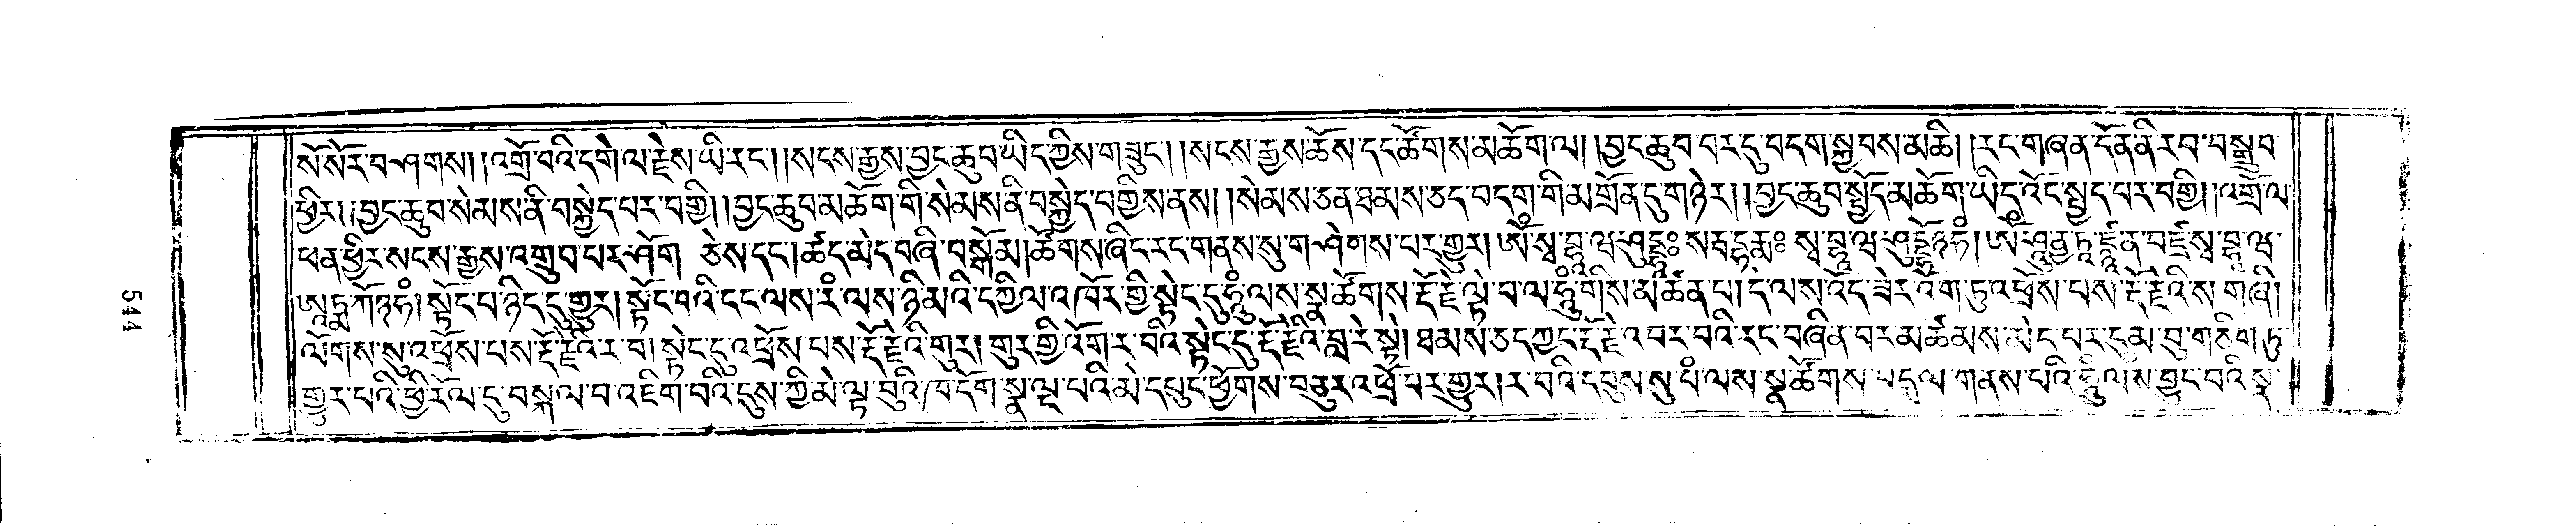སོ་སོར་བཤགས། །འགྲོ་བའི་དགེ་ལ་རྗེས་ཡི་རང་། །སངས་རྒྱས་བྱང་ཆུབ་ཡིད་ཀྱིས་གཟུང་། །སངས་རྒྱས་ཆོས་དང་ཚོགས་མཆོག་ལ། །བྱང་ཆུབ་བར་དུ་བདག་སྐྱབས་མཆི། །རང་གཞན་དོན་ནི་རབ་བསྒྲུབ་
ཕྱིར༑ ༑བྱང་ཆུབ་སེམས་ནི་བསྐྱེད་པར་བགྱི། །བྱང་ཆུབ་མཆོག་གི་སེམས་ནི་བསྐྱེད་བགྱིས་ནས། །སེམས་ཅན་ཐམས་ཅད་བདག་གི་མགྲོན་དུ་གཉེར། །བྱང་ཆུབ་སྤྱོད་མཆོག་ཡིད་འོང་སྤྱད་པར་བགྱི། །འགྲོ་ལ་
ཕན་ཕྱིར་སངས་རྒྱས་འགྲུབ་པར་ཤོག །ཅེས་དང་། ཚད་མེད་བཞི་བསྒོམ། ཚོགས་ཞིང་རང་གནས་སུ་གཤེགས་པར་གྱུར། ཨོཾ་སྭ་བྷཱ་ཝ་ཤུདྡྷཱཿ སརྦ་དྷརྨཿ སྭ་བྷཱ་ཝ་ཤུདྡྷོ་ཉཧཾ། ཨོཾ་ཤཱུནྱ་ཏཱ་ཛྙཱ་ན་བཛྲ་སྭ་བྷཱ་ཝ་
ཨཱཏྨ་ཀོཉཧཾ། སྟོང་པ་ཉིད་དུ་གྱུར། སྟོང་པའི་ངང་ལས་རཾ་ལས་ཉི་མའི་དཀྱིལ་འཁོར་གྱི་སྟེང་དུ་ཧཱུཾ་ལས་སྣ་ཚོགས་རྡོ་རྗེ་ལྟེ་བ་ལ་ཧཱུཾ་གིས་མཚན་པ། དེ་ལས་འོད་ཟེར་འོག་ཏུ་འཕྲོས་པས་རྡོ་རྗེའི་ས་གཞི།
ལོགས་སུ་འཕྲོས་པས་རྡོ་རྗེའི་ར་བ། སྟེང་དུ་འཕྲོས་པས་རྡོ་རྗེའི་གུར། གུར་གྱི་འོག་ར་བའི་སྟེང་དུ་རྡོ་རྗེའི་བླ་རེ་སྟེ། ཐམས་ཅད་ཀྱང་རྡོ་རྗེ་འབར་བའི་རང་བཞིན་པར་མཚམས་མེད་པར་དུམ་བུ་གཅིག་ཏུ་
གྱུར་པའི་ཕྱི་རོལ་དུ་བསྐལ་པ་འཇིག་པའི་དུས་ཀྱི་མེ་ལྟ་བུའི་ཁ་དོག་སྣ་ལྔ་པའི་མེད་པུང་ཕྱོགས་བཅུར་འཕྲོ་བར་གྱུར། ར་བའི་དབུས་སུ་པཾ་ལས་སྣ་ཚོགས་པདམ་ལ་གནས་པའི་ཧཱུཾ་ལས་བྱུང་བའི་སྣ་